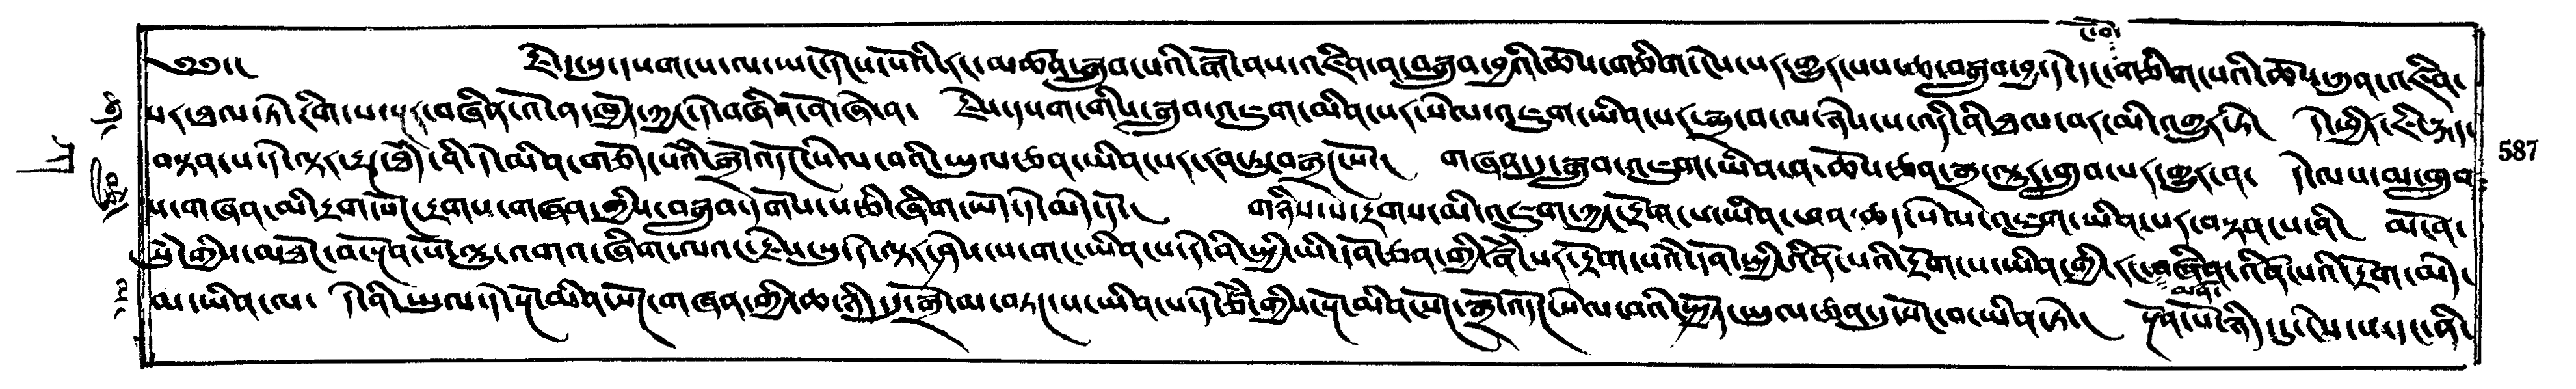རྗེས་སུ་དཔག་པ་ལ་ཡང་དངོས་པོའི་རང་མཚན་སྒྲུབ་པའི་སྒོ་ནས་འཛིན་ན་བསྒྲུབ་བྱའི་ཆོས་གཅིག་ངེས་པར་གྱུར་པས་ཆ་བསྒྲུབ་བྱ་དེ་དང་ངོ་བོ་གཅིག་པའི་ཆོས་ཀུན་འཛིན་
པར་ཐལ་ཏེ་རིགས་པ་སྔར་བཞིན་འོ་ན་ཁྱོད་ཀྱང་དེ་བཞིན་ནོ་ཞེ་ན། རྗེས་དཔག་གིས་སྒྲུབ་འཇུག་མིན་པར་སེལ་འཇུག་ཡིན་པར་སྨྲ་བ་ལ་ཉེས་པ་འདི་ནི་ཐལ་བར་མི་འགྱུར་ཏེ། དེ་ཕྱིར་ཇི་སྐད་
བསྟན་པ་དེ་ལྟར་རྟགས་ཐམས་ཅད་ནི་དེ་མིན་གཅོད་པའམ་སྒྲོ་འདོགས་སེལ་བའི་ཡུལ་ཅན་ཡིན་པར་རབ་ཏུ་བསྒྲགས་སོ།། གཞན་དུ་སྒྲུབ་འཇུག་ཡིན་ན་ཆོས་ཅན་སྒྲ་ལྟ་བུར་གྲུབ་པར་གྱུར་ན། དེ་ལས་མ་གྲུབ་
པ་གཞན་མི་རྟག་སོགས་རྟགས་གཞན་གྱིས་བསྒྲུབ་དགོས་པ་ཅི་ཞིག་ཡོད་དེ་མེད་དོ།། གཉིས་པ་རྟགས་མི་འཇུག་ཀྱང་རྟོག་པ་ཡིན་ཕན་ཆད་སེལ་འཇུག་ཡིན་པར་བསྟན་པ་ནི། མངོན་
སུམ་གྱིས་མཐོང་བ་སྔོན་པོ་ལྟ་བུ་འགའ་ཞིག་ལའང་རྗེས་སུ་དེ་ལྟར་ཤེས་པ་གང་ཡིན་པ་དེ་ནི་སྤྱིའི་དོན་ཅན་གྱི་རྣམ་པར་རྟོག་པའམ་དོན་སྤྱི་འཛིན་པའི་རྟོག་པ་ཡིན་གྱི་རང་མཚན་འཛིན་པའི་རྟོག་མེད་
མ་ཡིན་ལ། དེ་ནི་ཡུལ་དེ་སྔོ་མིན་སོགས་གཞན་གྱི་ཆ་ཉིད་དུ་སྒྲོ་མ་བཏགས་པ་ཡིན་པ་དེ་ཙམ་གྱིས་སྔོ་མིན་སོགས་སྒྲོ་འདོགས་སེལ་བའི་སྤྱོད་ཡུལ་ཅན་དུ་སོང་བ་ཡིན་ཏེ། སྔོན་པོ་ཉིད་དུ་ངེས་པ་དང་ནི་